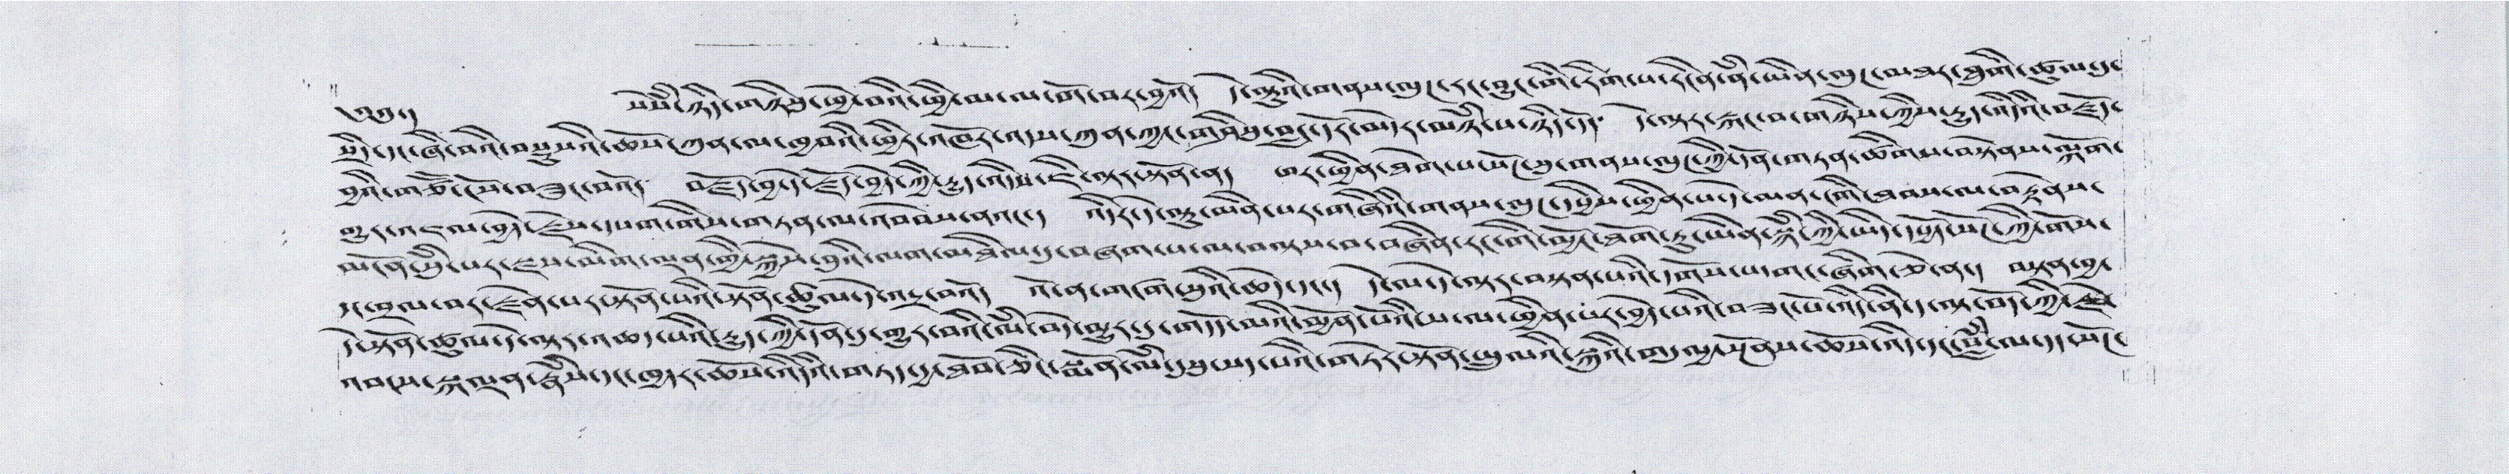སེམས་ཉིད་གཉིས་སུ་གོ་བའི་ཕྱི་མ་ལ་གོ་བར་བྱའོ། དེ་ལྟ་བུའི་གནས་ལུགས་རང་བྱུང་གི་རིག་པ་རང་བཞིན་ནམ་ཡིན་ལུགས་མཐར་ཐུག་གི་ཚུལ་དུ་
སྲིད་དང་ཞི་བས་བསྡུས་པའི་ཆོས་ཀུན་ལ་ཁྱབ་པའི་ཕྱིར་འཁོར་འདས་ཀུན་ཀྱང་གཤིས་སུ་བླང་དོར་མེད་པར་མཉམ་པ་ཉིད་དོ། དེ་ལྟར་རྐང་པ་གཉིས་ཀྱིས་རྒྱུད་འདིའི་བརྗོད་
བྱའི་གཙོ་བོར་ངོས་བཟུང་བའོ། བརྗོད་བྱ་དེ་རྗོད་བྱེད་ཀྱི་རྒྱུད་འདིས་ཇི་ལྟར་སྟོན་ན། ཕར་ཕྱིན་ཐེག་པ་སོགས་སུ་གནས་ལུགས་ཀྱི་དོན་གཏན་ཚིགས་བསྟེན་པ་ལྐོག་
གྱུར་འཇལ་བྱེད་རྗེས་དཔག་གིས་གཏན་ལ་འབེབས་གནང་ནའང་། འདིར་དེ་ལྟ་བུ་མིན་པར་གཞིའི་གནས་ལུགས་དཔྱིས་ཕྱིན་པ་དེ་མན་ངག་གི་ཐབས་ལ་བརྟེན་ནས་
མངོན་སུམ་པར་རྫས་མིག་ལྡན་གྱི་སྐྱེས་བུའི་ལག་མཐིལ་དུ་བཞག་པ་ལ་བལྟས་པ་བཞིན་རང་གི་མྱོང་ཐོག་ཏུ་ཡིན་སྙམ་གྱི་ཡིད་དཔྱོད་སོགས་ཀྱི་གོས་
དང་བྲལ་བར་རྗེན་པར་སྟོན་པའི་སྟོན་ཚུལ་དེ་འདྲ་བའོ། འོ་ན་གང་ཟག་སུའི་ཆེད་དང་། དེ་ལ་དེ་ལྟར་བསྟན་པའི་དགོས་པ་གང་ཞིག་ཅེ་ན། བསྟན་བྱ་
དེ་སྟོན་ཚུལ་དེ་ལྟར་འཆད་པའི་རྒྱུད་ཀྱི་དོན་དུ་གྱུར་པའི་ལམ་བདེ་མྱུར་དུ་གདོད་མའི་མཁྱེན་པའི་ས་ལ་ཕྱིན་པར་བྱེད་པའི་བཟང་པོ་འདི་ནི་ད་ལྟ་བོད་ཀྱི་རྗེ་
འབངས་སྐལ་ལྡན་རྣམས་དང་ཁྱད་པར་ཆོས་འདིའི་གཏད་རྒྱ་ཐོབ་ཅིང་སྨོན་ལམ་དུས་སུ་སད་པའི་གཏེར་སྟོན་སྤྲུལ་པའི་སྐུ་ཡི་གདུལ་བྱ་སྔོན་ནས་ཆོས་འདི་དང་བླ་མ་ལ་དད་སོགས་